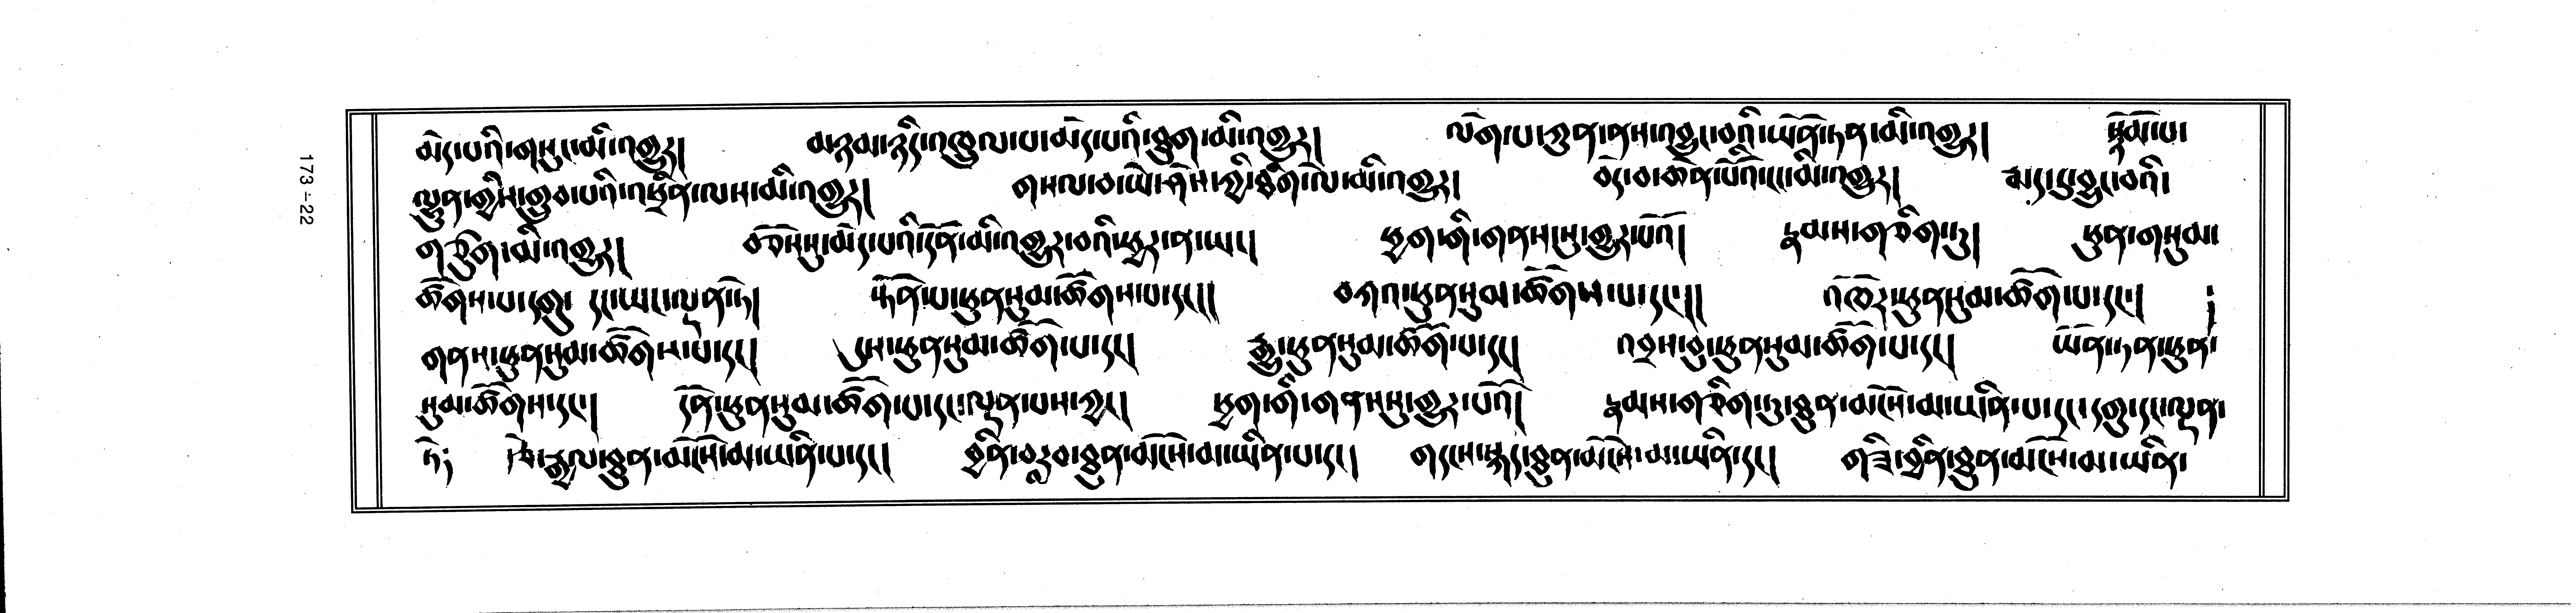མེད་པའི་གསུང་མི་འགྱུར། མཉམ་ཉིད་འཁྲུལ་པ་མེད་པའི་ཐུགས་མི་འགྱུར། ལེགས་པ་ཀུན་ནས་འབྱུང་བའི་ཡོན་ཏན་མི་འགྱུར། སྙོམས་པ་
ལྷུན་གྱིས་གྲུབ་པའི་འཕྲིན་ལས་མི་འགྱུར། གསལ་བ་ཡེ་ཤེས་ཀྱི་ཐིག་ལེ་མི་འགྱུར། བདེ་བ་ཆེན་པོའི་ངང་མི་འགྱུར། རྨད་དུ་བྱུང་བའི་
གཙུག་མི་འགྱུར། བཅོས་སུ་མེད་པའི་དོན་མི་འགྱུར་བའི་ཕྱིར་ན་ཡང་། ཕྱག་གི་གནས་སུ་གྱུར་པའོ། རྣམ་པ་གཅིག་ཏུ། ཕུན་སུམ་
ཚོགས་པ་དགུ་དང་ཡང་ལྡན་ཏེ། སྟོན་པ་ཕུན་སུམ་ཚོགས་པ་དང་། བཀའ་ཕུན་སུམ་ཚོགས་པ་དང་། འཁོར་ཕུན་སུམ་ཚོགས་པ་དང་། 
གནས་ཕུན་སུམ་ཚོགས་པ་དང་། དུས་ཕུན་སུམ་ཚོགས་པ་དང་། རྒྱུ་ཕུན་སུམ་ཚོགས་པ་དང་། འབྲས་བུ་ཕུན་སུམ་ཚོགས་པ་དང་། ཡོན་ཏན་ཕུན་
སུམ་ཚོགས་པ་དང་། དོན་ཕུན་སུམ་ཚོགས་པ་དང་ལྡན་པས་ཀྱང་ཕྱག་གི་གནས་སུ་གྱུར་པའོ། །རྣམ་པ་གཅིག་ཏུ་ཐུན་མོང་མ་ཡིན་པ་དགུ་དང་ཡང་ལྡན་
ཏེ། རྩེ་རྒྱལ་ཐུན་མོང་མ་ཡིན་པ་དང་། བྱིན་རླབས་ཐུན་མོང་མ་ཡིན་པ་དང་། གདངས་སྐད་ཐུན་མོང་མ་ཡིན་པ་དང་། གཟི་བྱིན་ཐུན་མོང་མ་ཡིན་